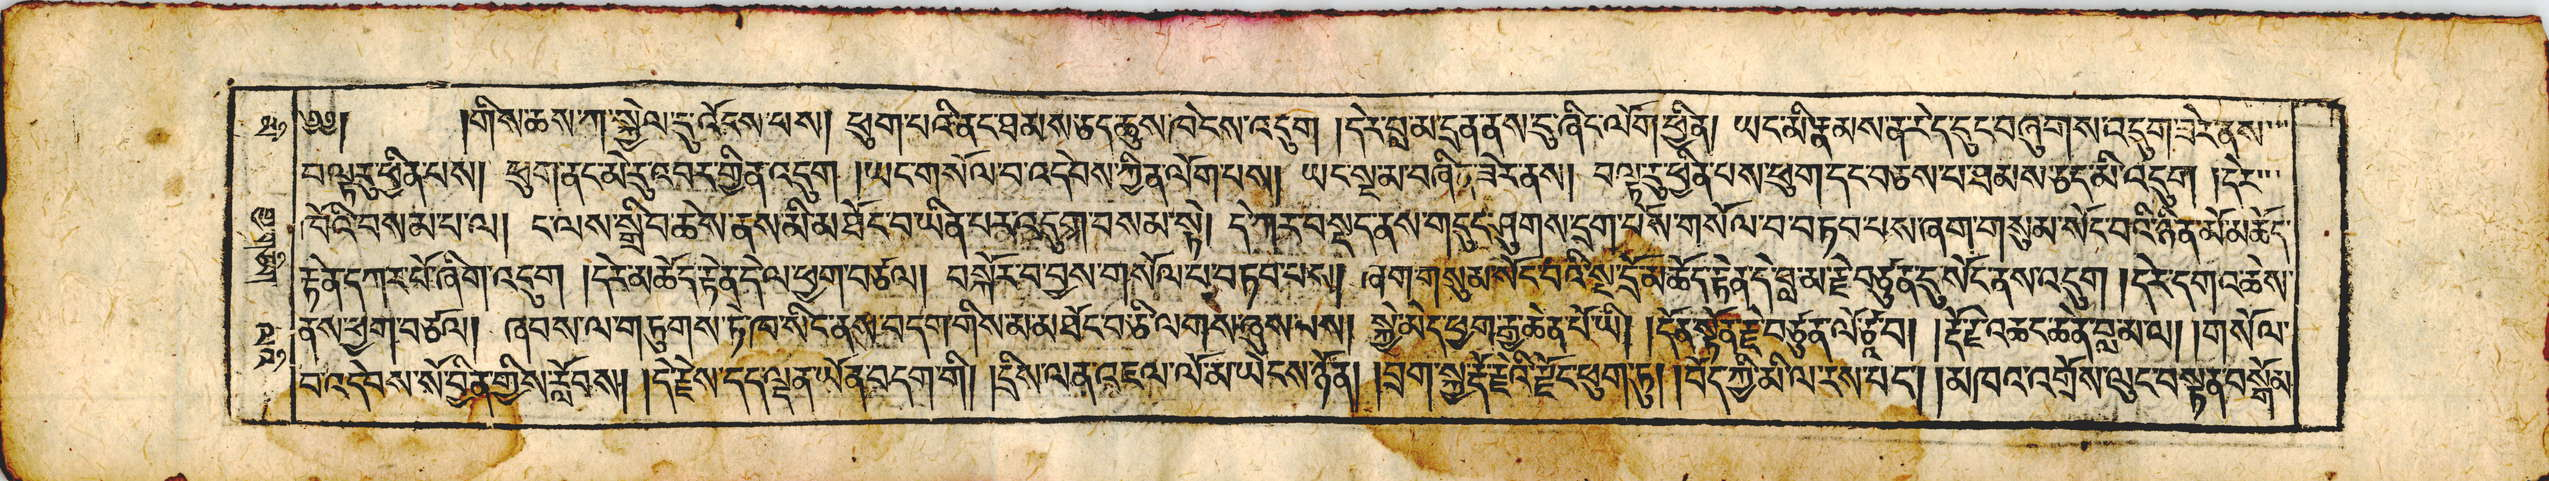། །གིས་ཆས་ཀ་སྐྱེལ་དུ་འོངས་བས། ཕུག་པའི་ནང་ཐམས་ཅད་ཆུས་ཁེངས་འདུག །དེར་བླ་མ་དྲན་ནས་ངུ་ཞིང་ལོག་ཕྱིན། ཡང་མི་རྣམས་ན་རེ་ད་དུང་བཞུགས་འདུག་ཟེར་ནས་
བལྟར་ཕྱིན་པས། ཕུག་ནང་མེ་རུ་འབར་གྱིན་འདུག །ཡང་གསོལ་བ་འདེབས་ཀྱིན་ལོག་པས། ཡང་སྔ་མ་བཞིན་ཟེར་ནས། བལྟ་རུ་ཕྱིན་པས་ཕུག་དང་བཅས་པ་ཐམས་ཅད་མི་འདུག །དེར་
པོའི་བསམ་པ་ལ། ང་ལས་སྒྲིབ་ཆེས་ནས་མི་མཐོང་བ་ཡིན་པར་འདུག་བསམ་སྟེ། དེ་ཀར་བསྡད་ནས་གདུང་ཤུགས་དྲག་པས་གསོལ་བ་བཏབ་པས་ཞག་གསུམ་སོང་བའི་ཉིན་མོ་མཆོད་
རྟེན་དཀར་པོ་ཞིག་འདུག །དེར་མཆོད་རྟེན་དེ་ལ་ཕྱག་བཙལ། བསྐོར་བ་བྱས་གསོལ་པ་བཏབ་པས། ཞག་གསུམ་སོང་བའི་སྔ་དྲོ་མཆོད་རྟེན་དེ་བླ་མ་རྗེ་བཙུན་དུ་སོང་ནས་འདུག །དེར་དགའ་ཆེས་
ནས་ཕྱག་བཙལ། ཞབས་ལ་གཏུགས་ཏེ་ཁ་སེང་ནས་བདག་གིས་མམཐོང་བ་ཅི་ལགས་ཞུས་པས། སྐྱེ་མེད་ཕྱག་རྒྱ་ཆེན་པོ་ཡི། །དོན་སྟོན་རྗེ་བཙུན་ལོ་ཙཱ་བ། །རྡོརྗེ་འཆང་ཆེན་བླ་མ་ལ། །གསོལ་
བ་འདེབས་སོ་བྱིན་གྱིས་རློབས། །དེ་རྗེས་དད་ལྡན་ལོན་བདག་གི། །དྲིས་ལན་འཇལ་ལོ་མ་ཡེངས་ཉོན། །བྲག་སྐྱ་རྡོ་རྗེའི་རྫོང་ཕུག་ཏུ། །བོད་ཀྱི་མི་ལ་རས་པ་དེ། །མཁའ་འགྲོས་ལུང་བསྟན་བསྒོམ་